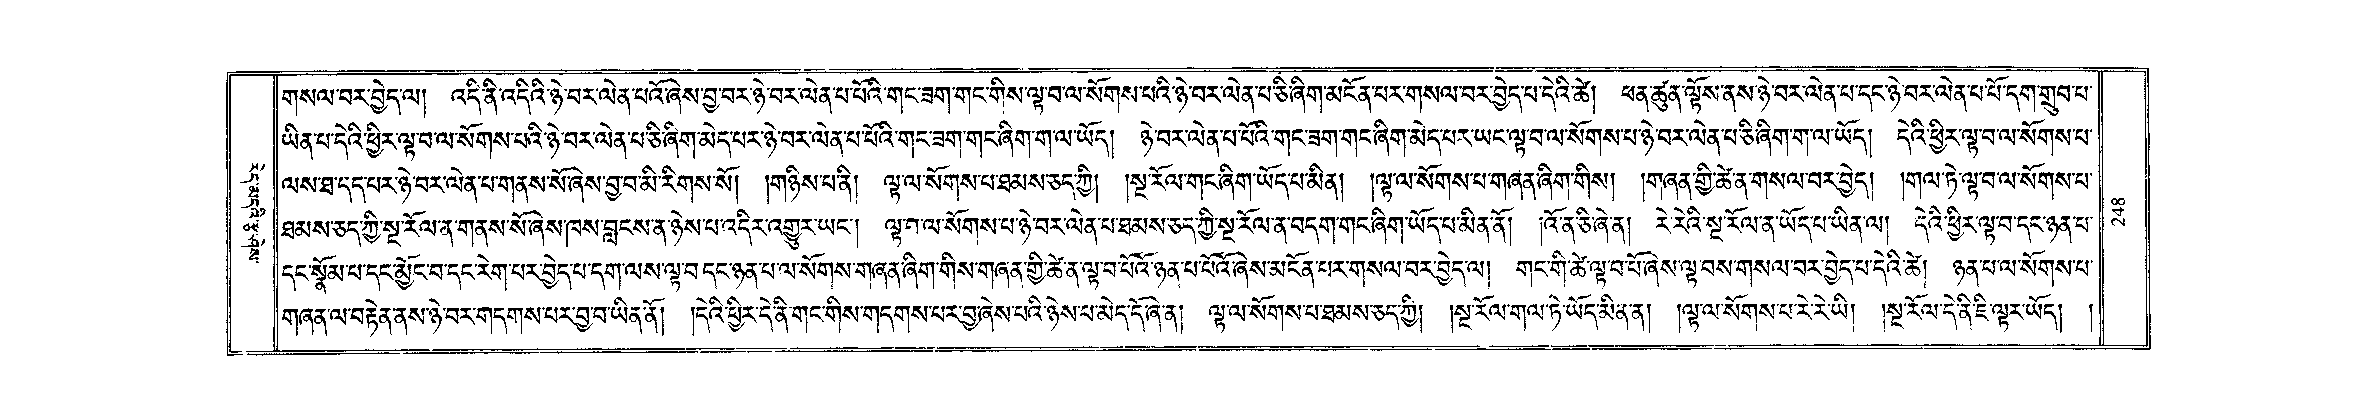གསལ་བར་བྱེད་ལ། འདི་ནི་འདིའི་ཉེ་བར་ལེན་པའོ་ཞེས་བྱ་བར་ཉེ་བར་ལེན་པ་པོའི་གང་ཟག་གང་གིས་ལྟ་བ་ལ་སོགས་པའི་ཉེ་བར་ལེན་པ་ཅི་ཞིག་མངོན་པར་གསལ་བར་བྱེད་པ་དེའི་ཚེ། ཕན་ཚུན་ལྟོས་ནས་ཉེ་བར་ལེན་པ་དང་ཉེ་བར་ལེན་པ་པོ་དག་གྲུབ་པ་
ཡིན་པ་དེའི་ཕྱིར་ལྟ་བ་ལ་སོགས་པའི་ཉེ་བར་ལེན་པ་ཅི་ཞིག་མེད་པར་ཉེ་བར་ལེན་པ་པོའི་གང་ཟག་གང་ཞིག་ག་ལ་ཡོད། ཉེ་བར་ལེན་པ་པོའི་གང་ཟག་གང་ཞིག་མེད་པར་ཡང་ལྟ་བ་ལ་སོགས་པ་ཉེ་བར་ལེན་པ་ཅི་ཞིག་ག་ལ་ཡོད། དེའི་ཕྱིར་ལྟ་བ་ལ་སོགས་པ་
ལས་ཐ་དད་པར་ཉེ་བར་ལེན་པ་གནས་སོ་ཞེས་བྱ་བ་མི་རིགས་སོ། །གཉིས་པ་ནི། ལྟ་ལ་སོགས་པ་ཐམས་ཅད་ཀྱི། །སྔ་རོལ་གང་ཞིག་ཡོད་པ་མིན། །ལྟ་ལ་སོགས་པ་གཞན་ཞིག་གིས། །གཞན་གྱི་ཚེ་ན་གསལ་བར་བྱེད། །གལ་ཏེ་ལྟ་བ་ལ་སོགས་པ་
ཐམས་ཅད་ཀྱི་སྔ་རོལ་ན་གནས་སོ་ཞེས་ཁས་བླངས་ན་ཉེས་པ་འདིར་འགྱུར་ཡང་། ལྟ་བ་ལ་སོགས་པ་ཉེ་བར་ལེན་པ་ཐམས་ཅད་ཀྱི་སྔ་རོལ་ན་བདག་གང་ཞིག་ཡོད་པ་མིན་ནོ། །འོ་ན་ཅི་ཞེ་ན། རེ་རེའི་སྔ་རོལ་ན་ཡོད་པ་ཡིན་ལ། དེའི་ཕྱིར་ལྟ་བ་དང་ཉན་པ་
དང་སྣོམ་པ་དང་མྱོང་བ་དང་རེག་པར་བྱེད་པ་དག་ལས་ལྟ་བ་དང་ཉན་པ་ལ་སོགས་གཞན་ཞིག་གིས་གཞན་གྱི་ཚེ་ན་ལྟ་བ་པོའོ་ཉན་པ་པོའོ་ཞེས་མངོན་པར་གསལ་བར་བྱེད་ལ། གང་གི་ཚེ་ལྟ་བ་པོ་ཞེས་ལྟ་བས་གསལ་བར་བྱེད་པ་དེའི་ཚེ། ཉན་པ་ལ་སོགས་པ་
གཞན་ལ་བརྟེན་ནས་ཉེ་བར་གདགས་པར་བྱ་བ་ཡིན་ནོ། །དེའི་ཕྱིར་དེ་ནི་གང་གིས་གདགས་པར་བྱ་ཞེས་པའི་ཉེས་པ་མེད་དོ་ཞེ་ན། ལྟ་ལ་སོགས་པ་ཐམས་ཅད་ཀྱི། །སྔ་རོལ་གལ་ཏེ་ཡོད་མིན་ན། །ལྟ་ལ་སོགས་པ་རེ་རེ་ཡི། །སྔ་རོལ་དེ་ནི་ཇི་ལྟར་ཡོད། །